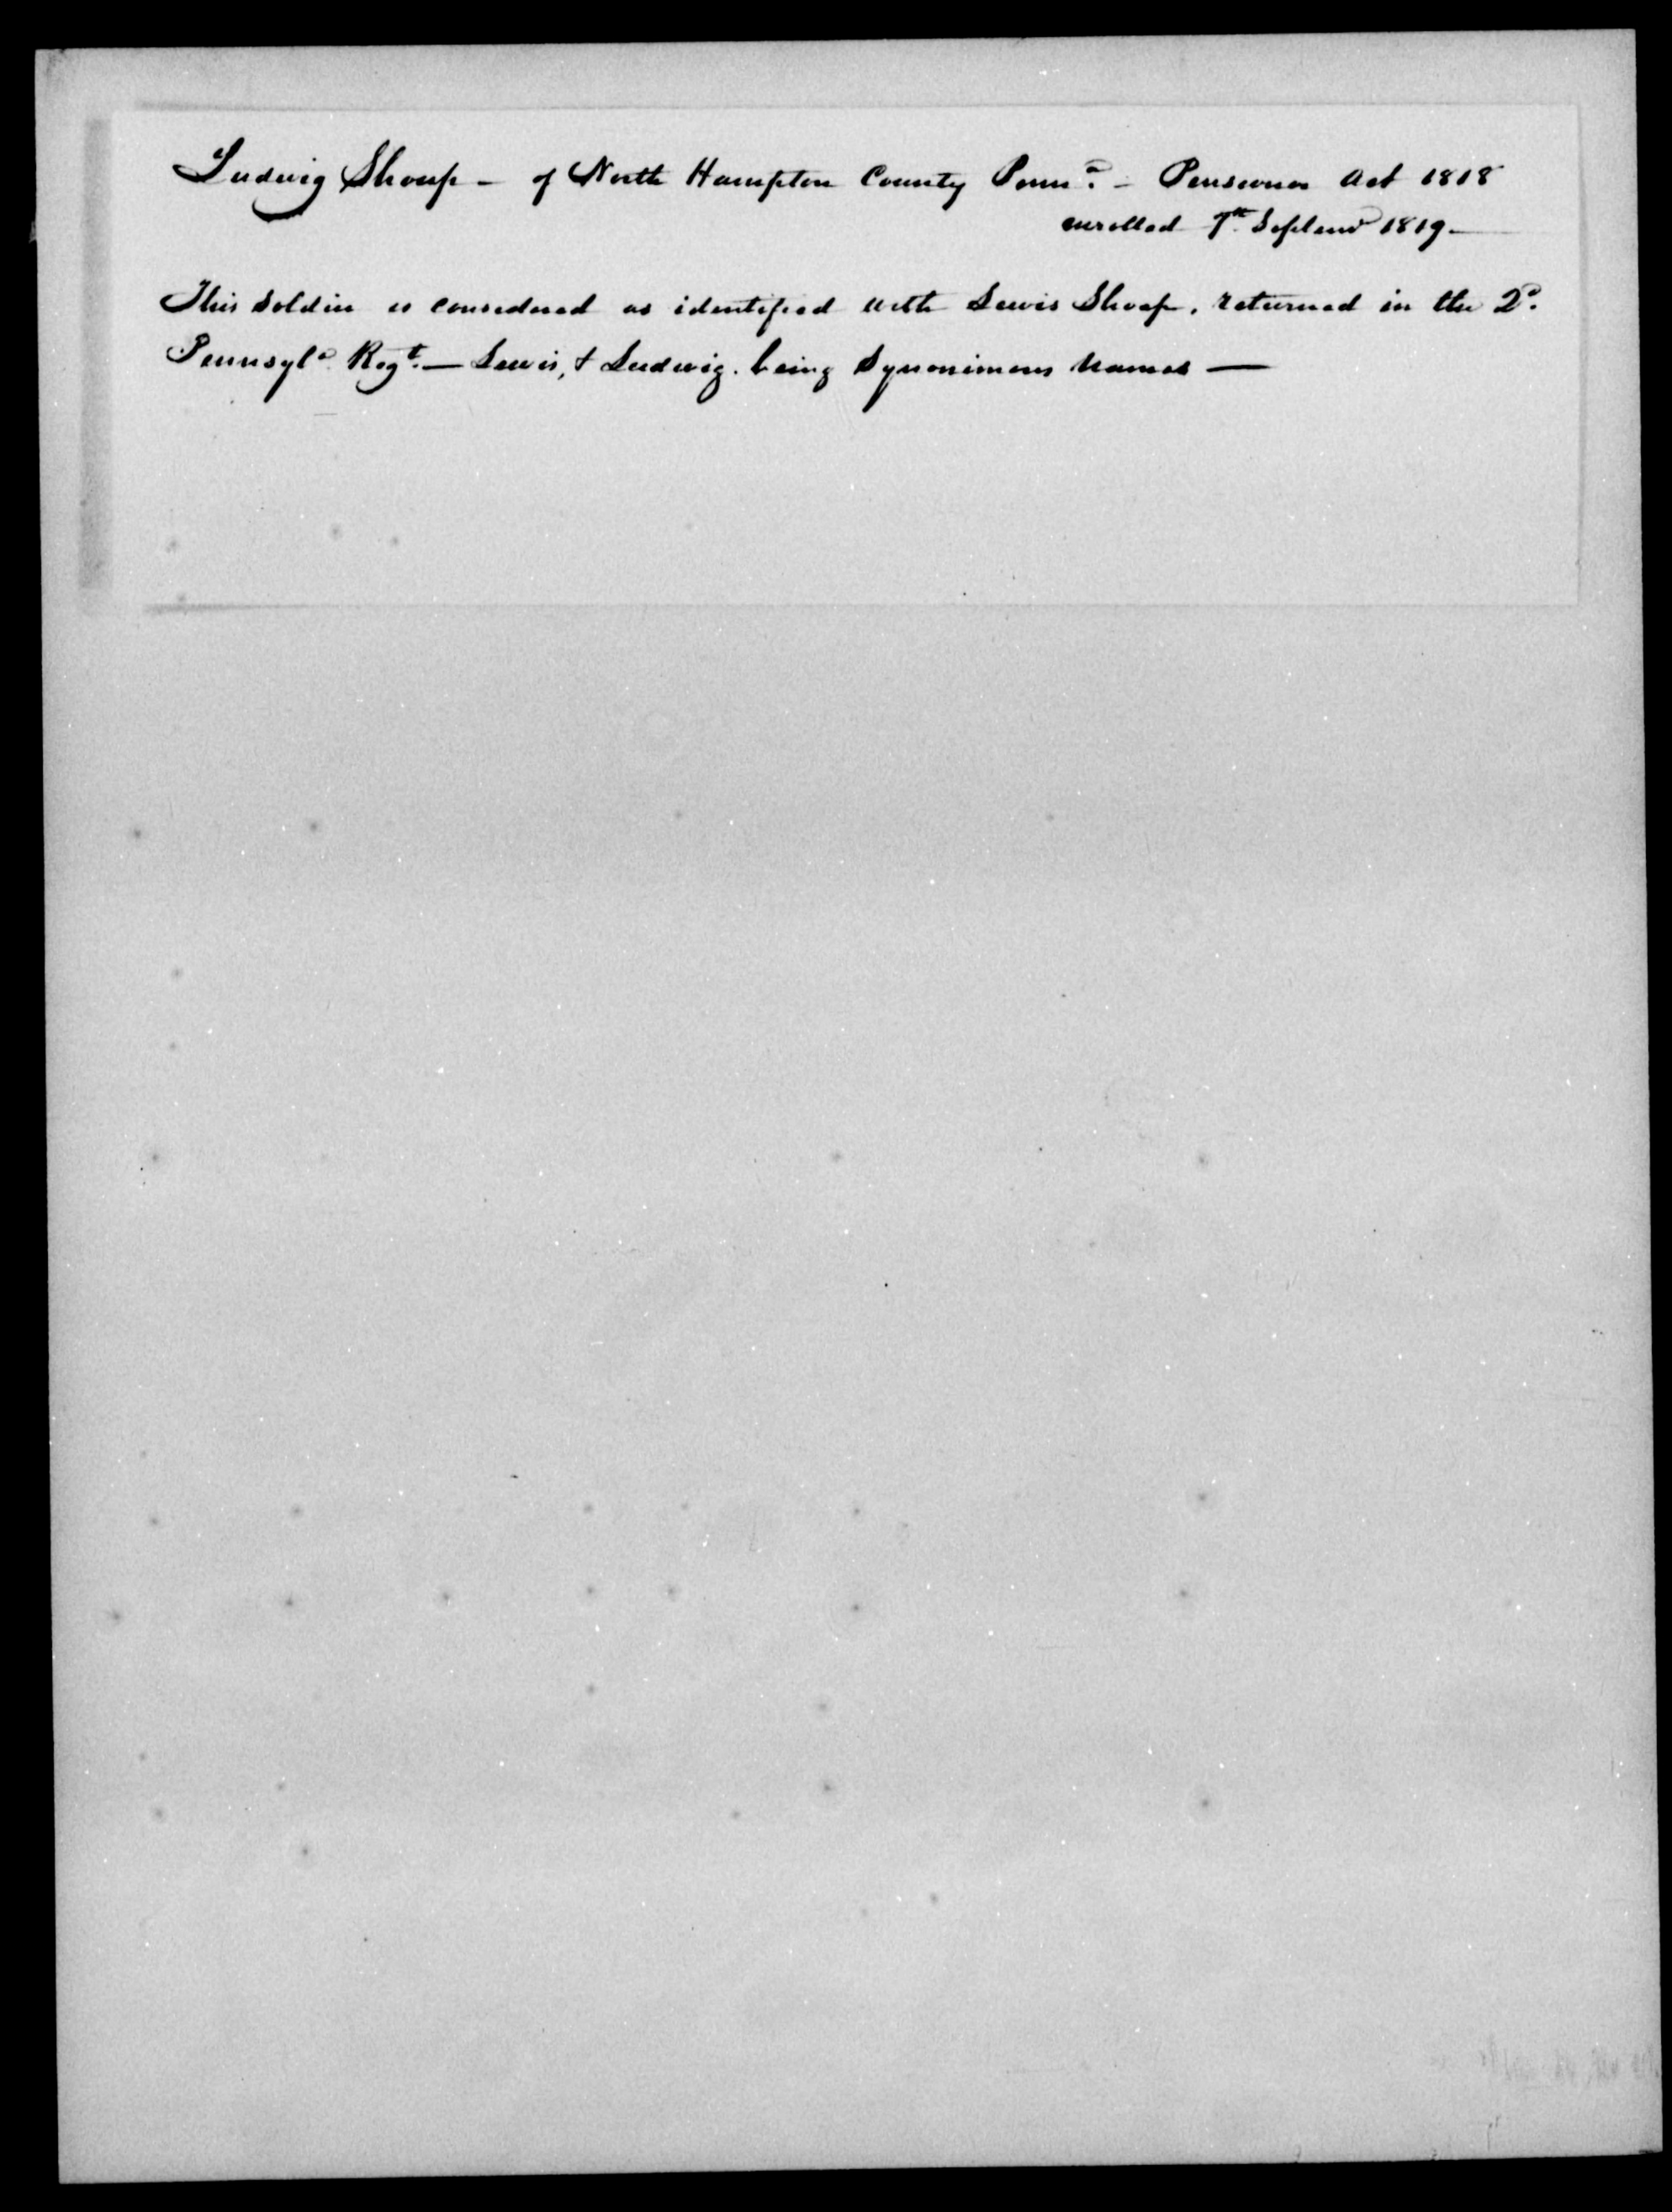Ludwig Shoup - of North Hampton County Penn. - Pensioner Act 1818 enrolled 7th September 1819

This soldier is considered as identified with Lewis Shoup , returned in the 2d Pennsyl'a regt. Lewis & Ludwig being Synonimous names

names: Lewis [BLANK]; Lewis Shoop; Ludwig Shoup; Ludwig [BLANK]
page: 15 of 19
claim: survivor's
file: S. 40410, for Ludwig Shoup, Pennsylvania